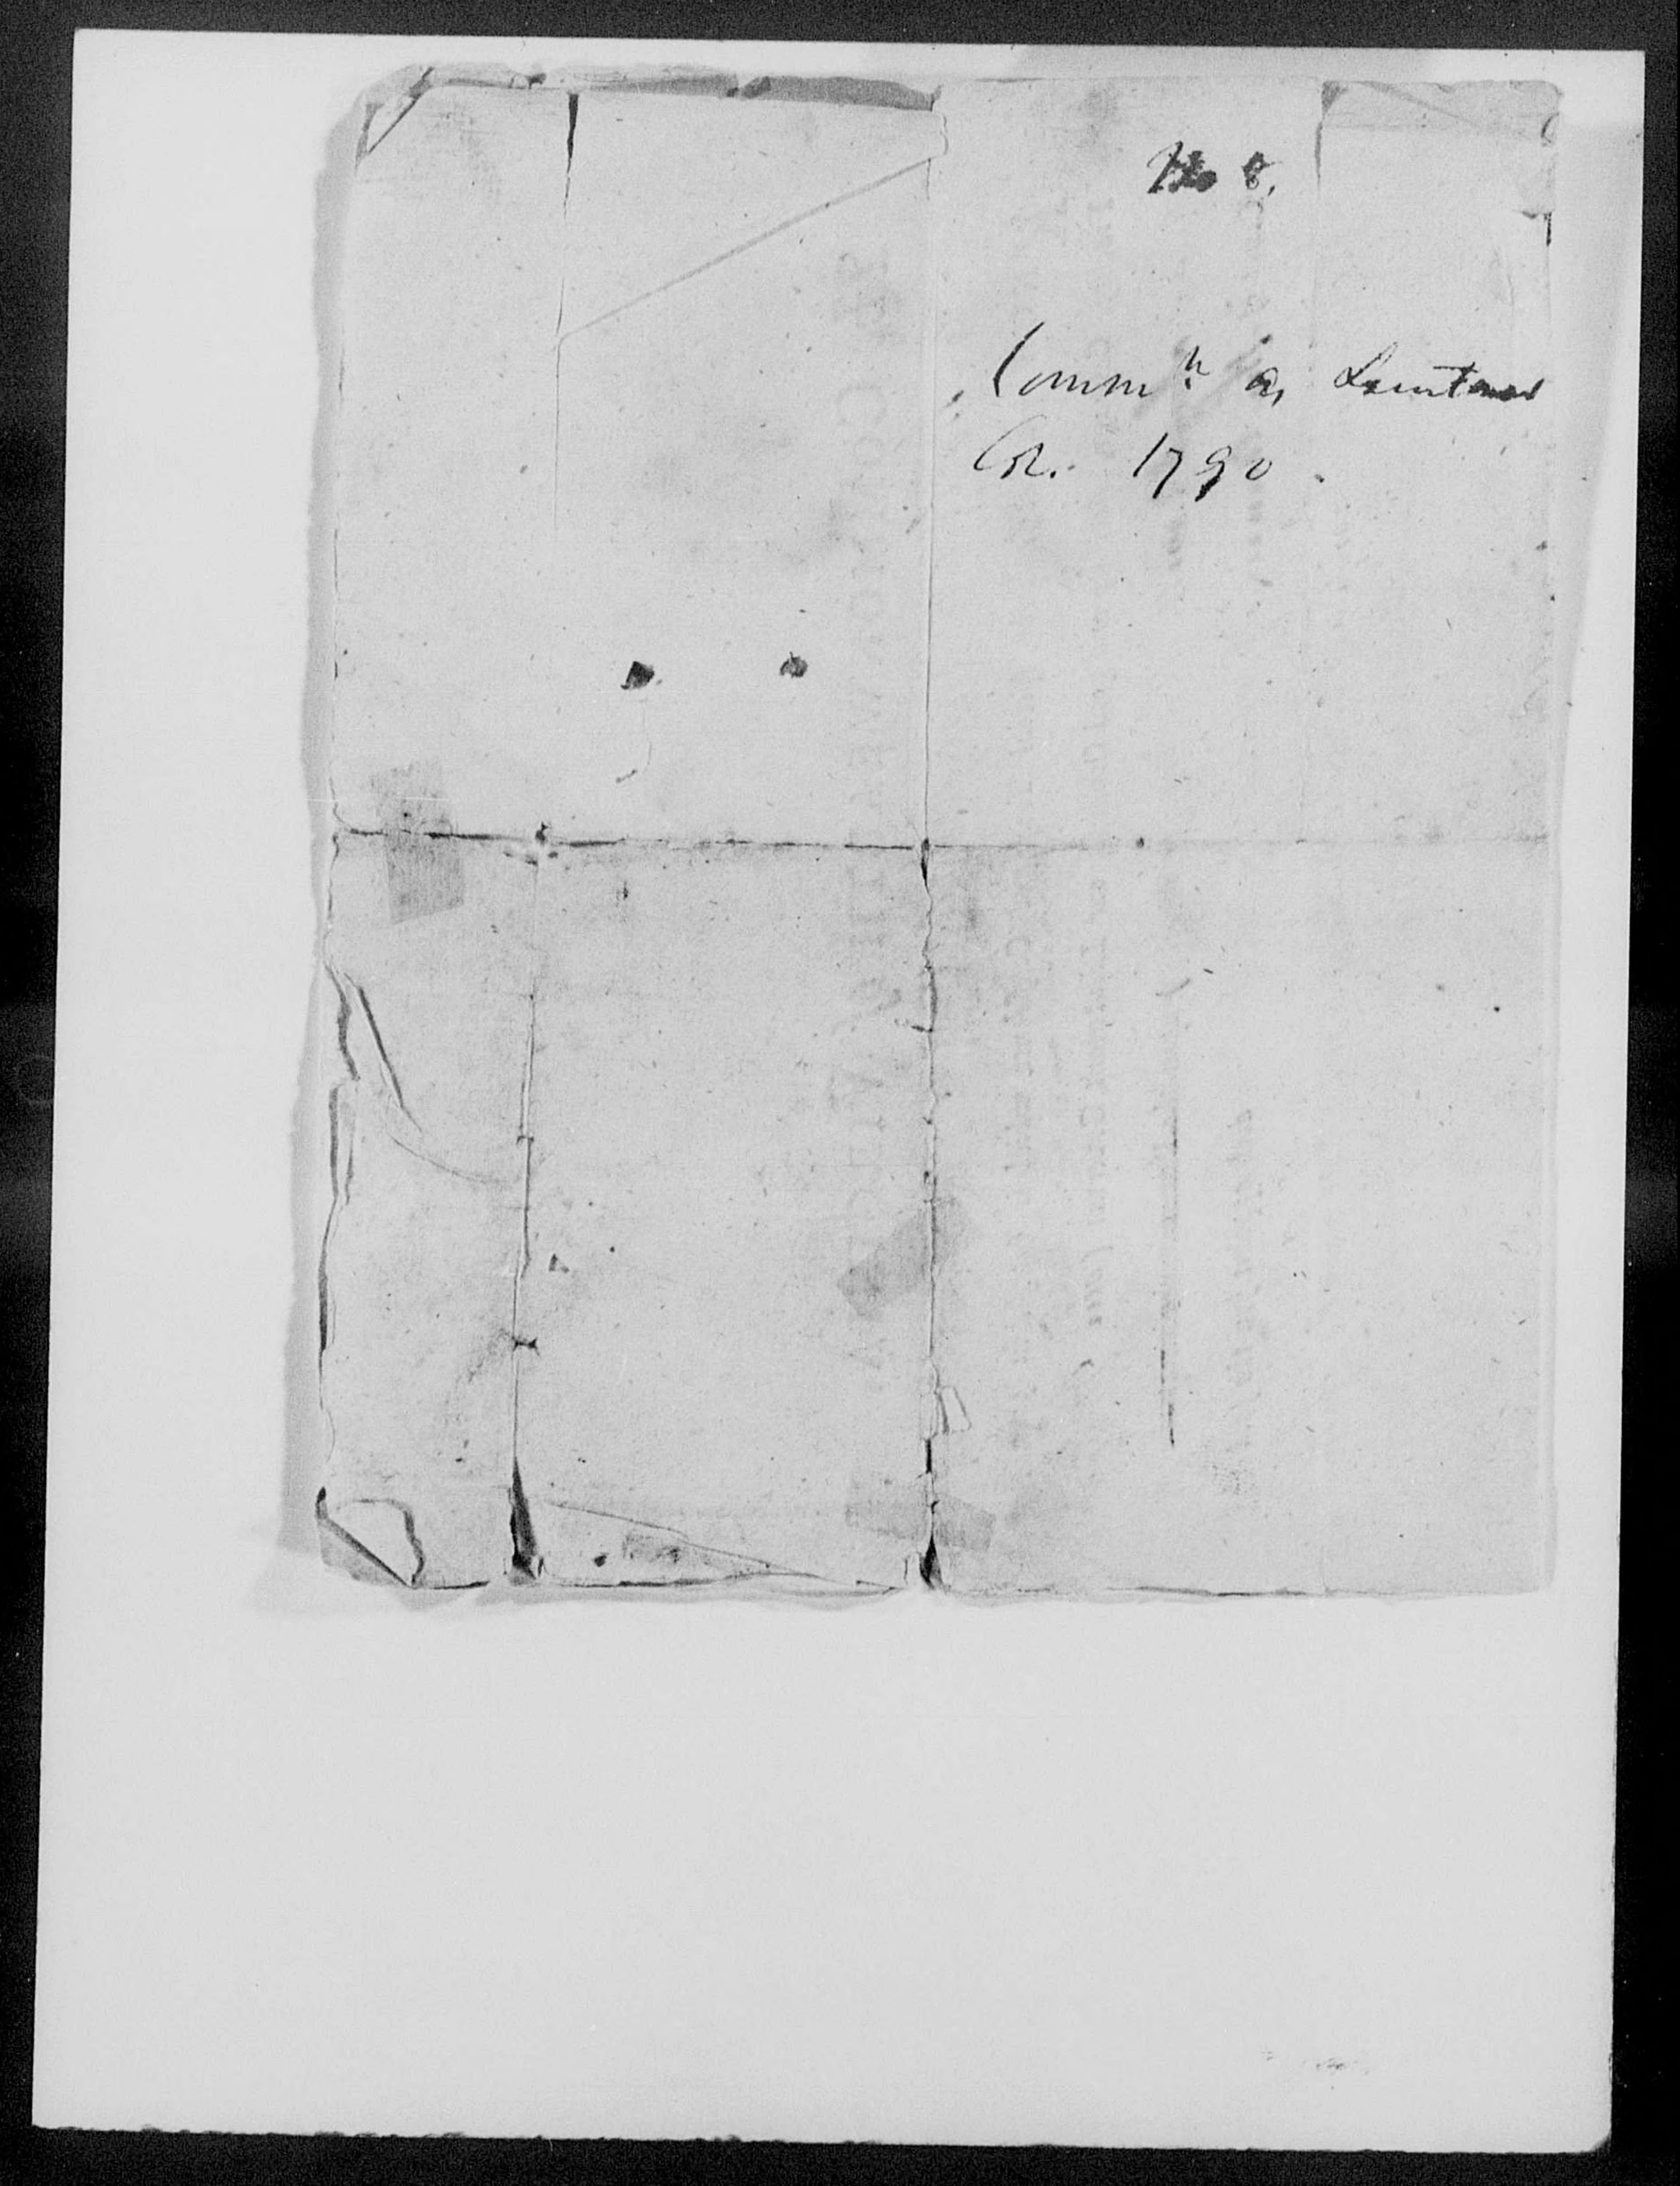No  8,


Comm'n for Lieutenant Col. 1790.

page: 68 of 267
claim: widow's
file: W. 4,149, William Campbell, Va.